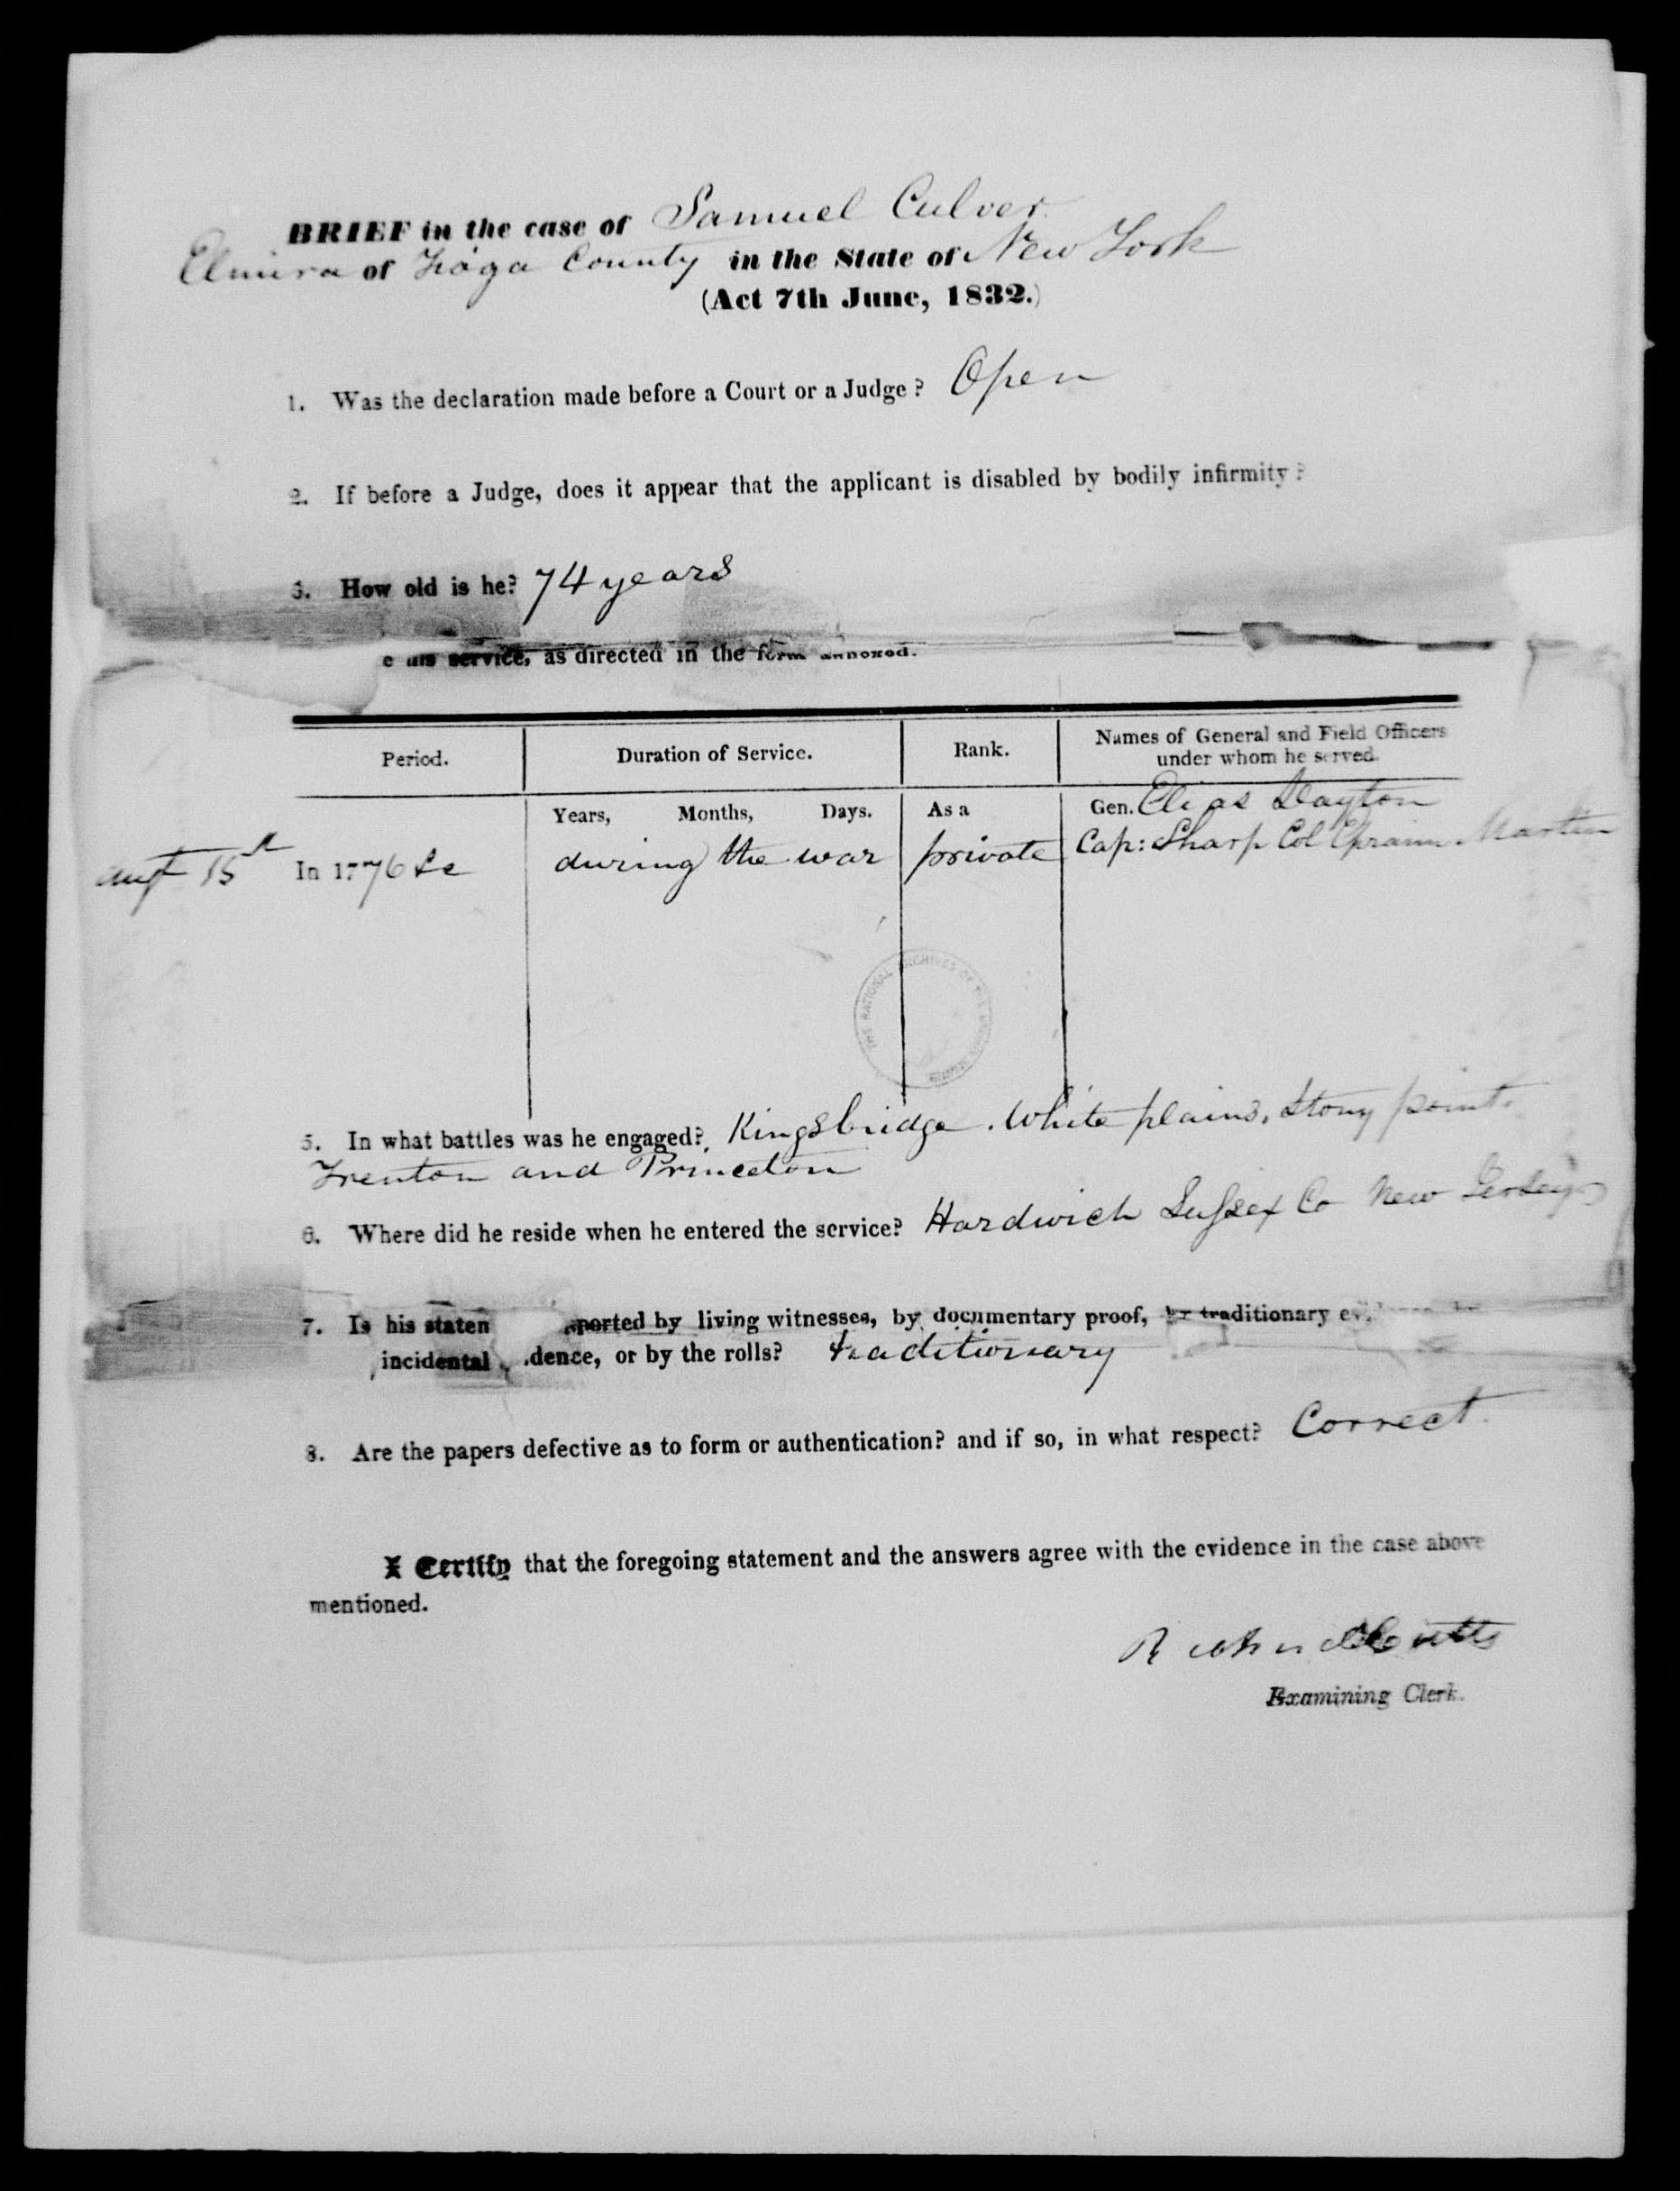Brief in the case of Samuel Culver
Elvira or Tioga County in the State of New York
(Act 7th June 1832.)

1.	Was the declaration made before a Court or a Judge?  Open
2.	If before a Judge, does it appear that the applicant is disabled by bodily infirmity?
3.	How old is he?  74 years
[illegible] service, as directed in the form annexed.

4.	Period.		Duration of Service.	       Rank.		Name of General and Field Officers
			         Years, months, days.			        under whom he served.
Augt 15th in 1776	during the war	        Private             General Elias Dayton
 [initials]							                                Cap: Sharp Col Epraim Martin

    The National Archives of the United States [seal]

5.	  In what battles was he engaged? Kingsbridge, White Plains, Stormy Point, Trenton and Princeton
6.	Where did he reside when he entered the service? Hardwick Sussex County New Jersey
7.	In his statement reported by living witnesses, by documentary proof, by traditionary evidence by incidental evidence, or by the rolls?  Traditionary
8.	Are the papers defective as to form or authentication?  and if so, in what respect? Correct.
X certify that the foregoing statement and answers agree with the evidence in the case above mentioned.

Richard Cutts [signature]
Examining Clerk.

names: Samuel Culver, Epraim Martin, Elias Dayton, Richard Cutts, Sharp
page: 3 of 40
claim: rejected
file: R. 1,570, Samuel Culver, New Jersey